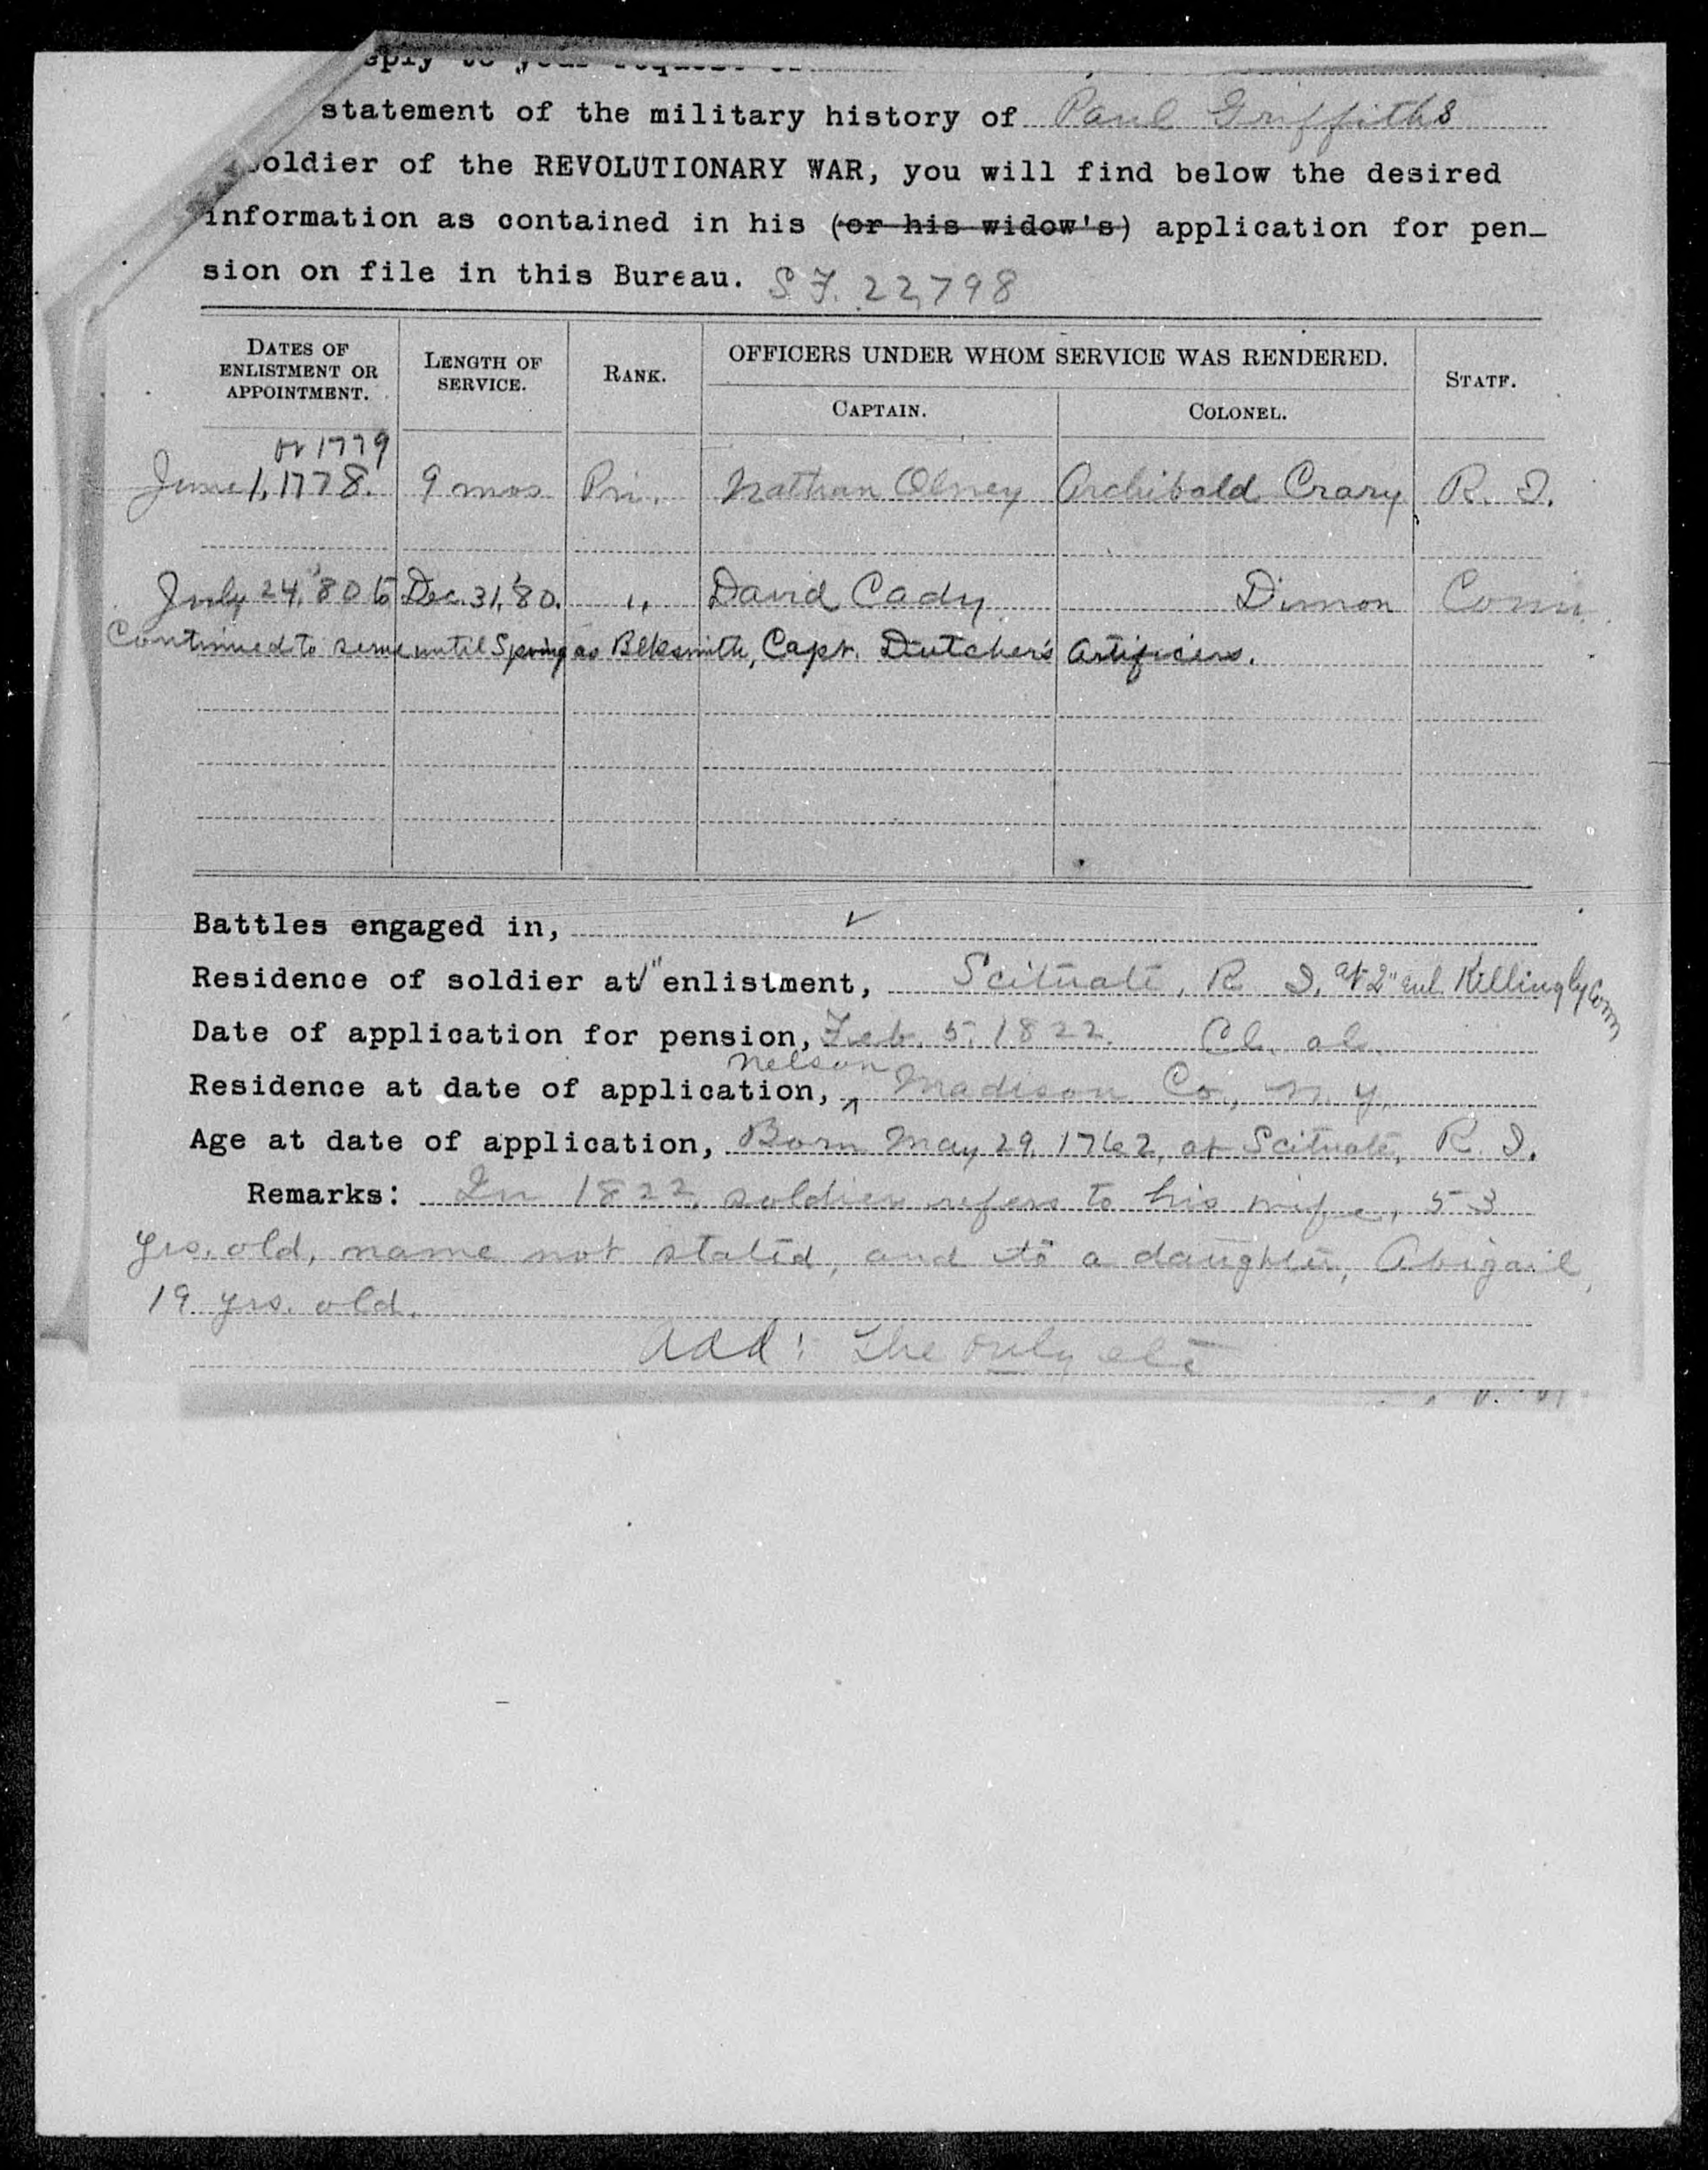statement of the military history of Paul Griffiths soldier of the REVOLUTIONARY WAR, you will find below the desired information as conatined in his application for pension on file in this Bureau. SF 22798
DATES OF ENLISTMENT OR APPOINTMENT. June 1, 1778 or 1779, July 24,'80, LENGTH OF SERVICE. 9 mos., Dec. 31, '80, Continued to serve until Spring as Blacksmith. RANK. Pri, ", OFFICERS UNDER WHOM SERVICE WAS RENDERED. CAPTAIN. Nathan Olney, David Cady. COLONEL. Archibald Crary, Dimon. STATE. R.I., Conn. Battles engaged in, _ Residence of Soldier at enlistment, Scituate, R.I., at 2nd enl. Killingly, Conn. Date of application for pension, Feb. 5, 1822. Cl. Al. Residence at date of application, Nelson, Madison Co, N.Y. Age at date of application, Born May 28, 1762 at Scituate, R.I. Remarks: In 1822, soldier refers to his wife, 53 yrs old, name not stated, and to a daughter, Abigail, 19 yrs old. Add: the only eli.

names: Archibald Crary, Nathan Olney, Dutcher, David Cady, Dimon, Abigail, Paul Griffiths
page: 28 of 61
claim: survivor's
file: S. 22798, Paul Griffiths, R.I.